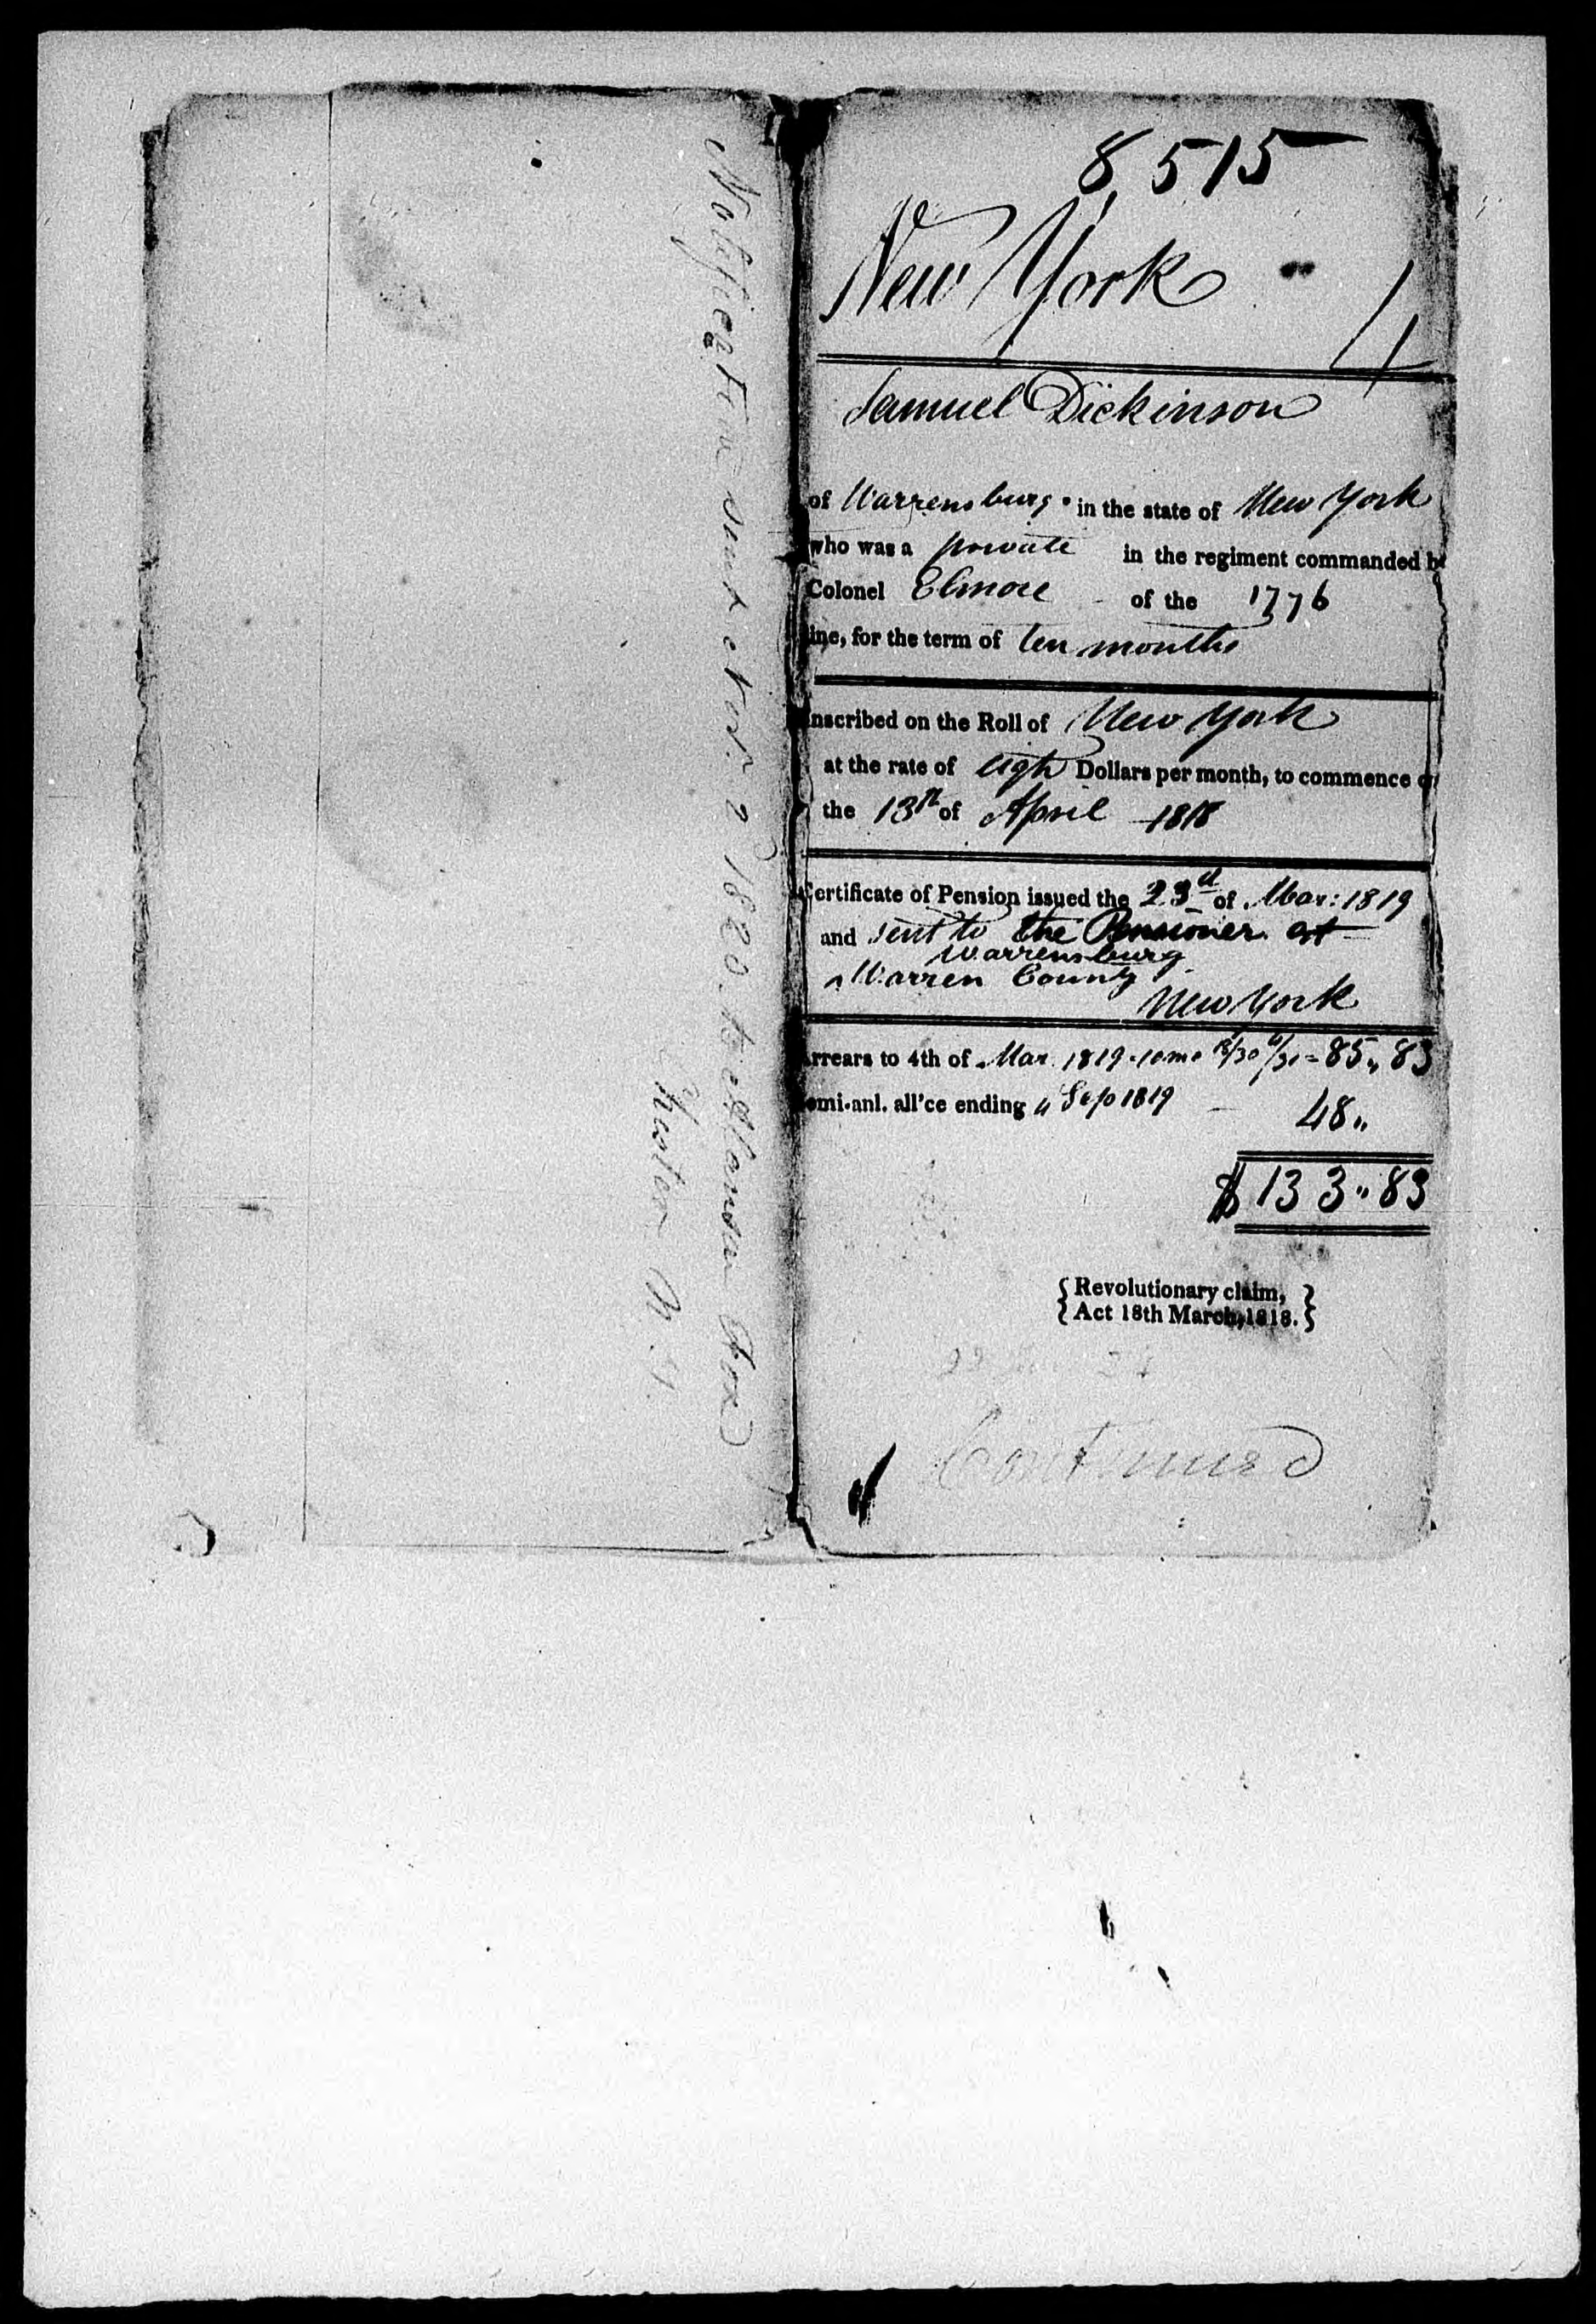8515
New York

Samuel Dickinson
of Warrensburg in the state of New York
who was a private in the regiment commanded [by]
Colonel Elmore of the 1776
line, for the term of ten months

Inscribed on the Roll of New York
at the rate of eight Dollars per month, to commence [on]
the 13th of April 1818

Certificate of Pension issued the 23rd of Mar. 1819
and sent to the Pensioner at
Warrensburg
Warren County New York

Arrears to 4th of Mar. 1819 10 mo. 18/30 6/30 = 85.83
emi-anl. all'ce ending 6 Sep. 1819 48.
$133.83

Revolutionary claim,
Act 18th March 1818.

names: Samuel Dickinson, Elmore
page: 7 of 60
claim: widow's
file: W 16,955, Samuel Dickinson, Conn.